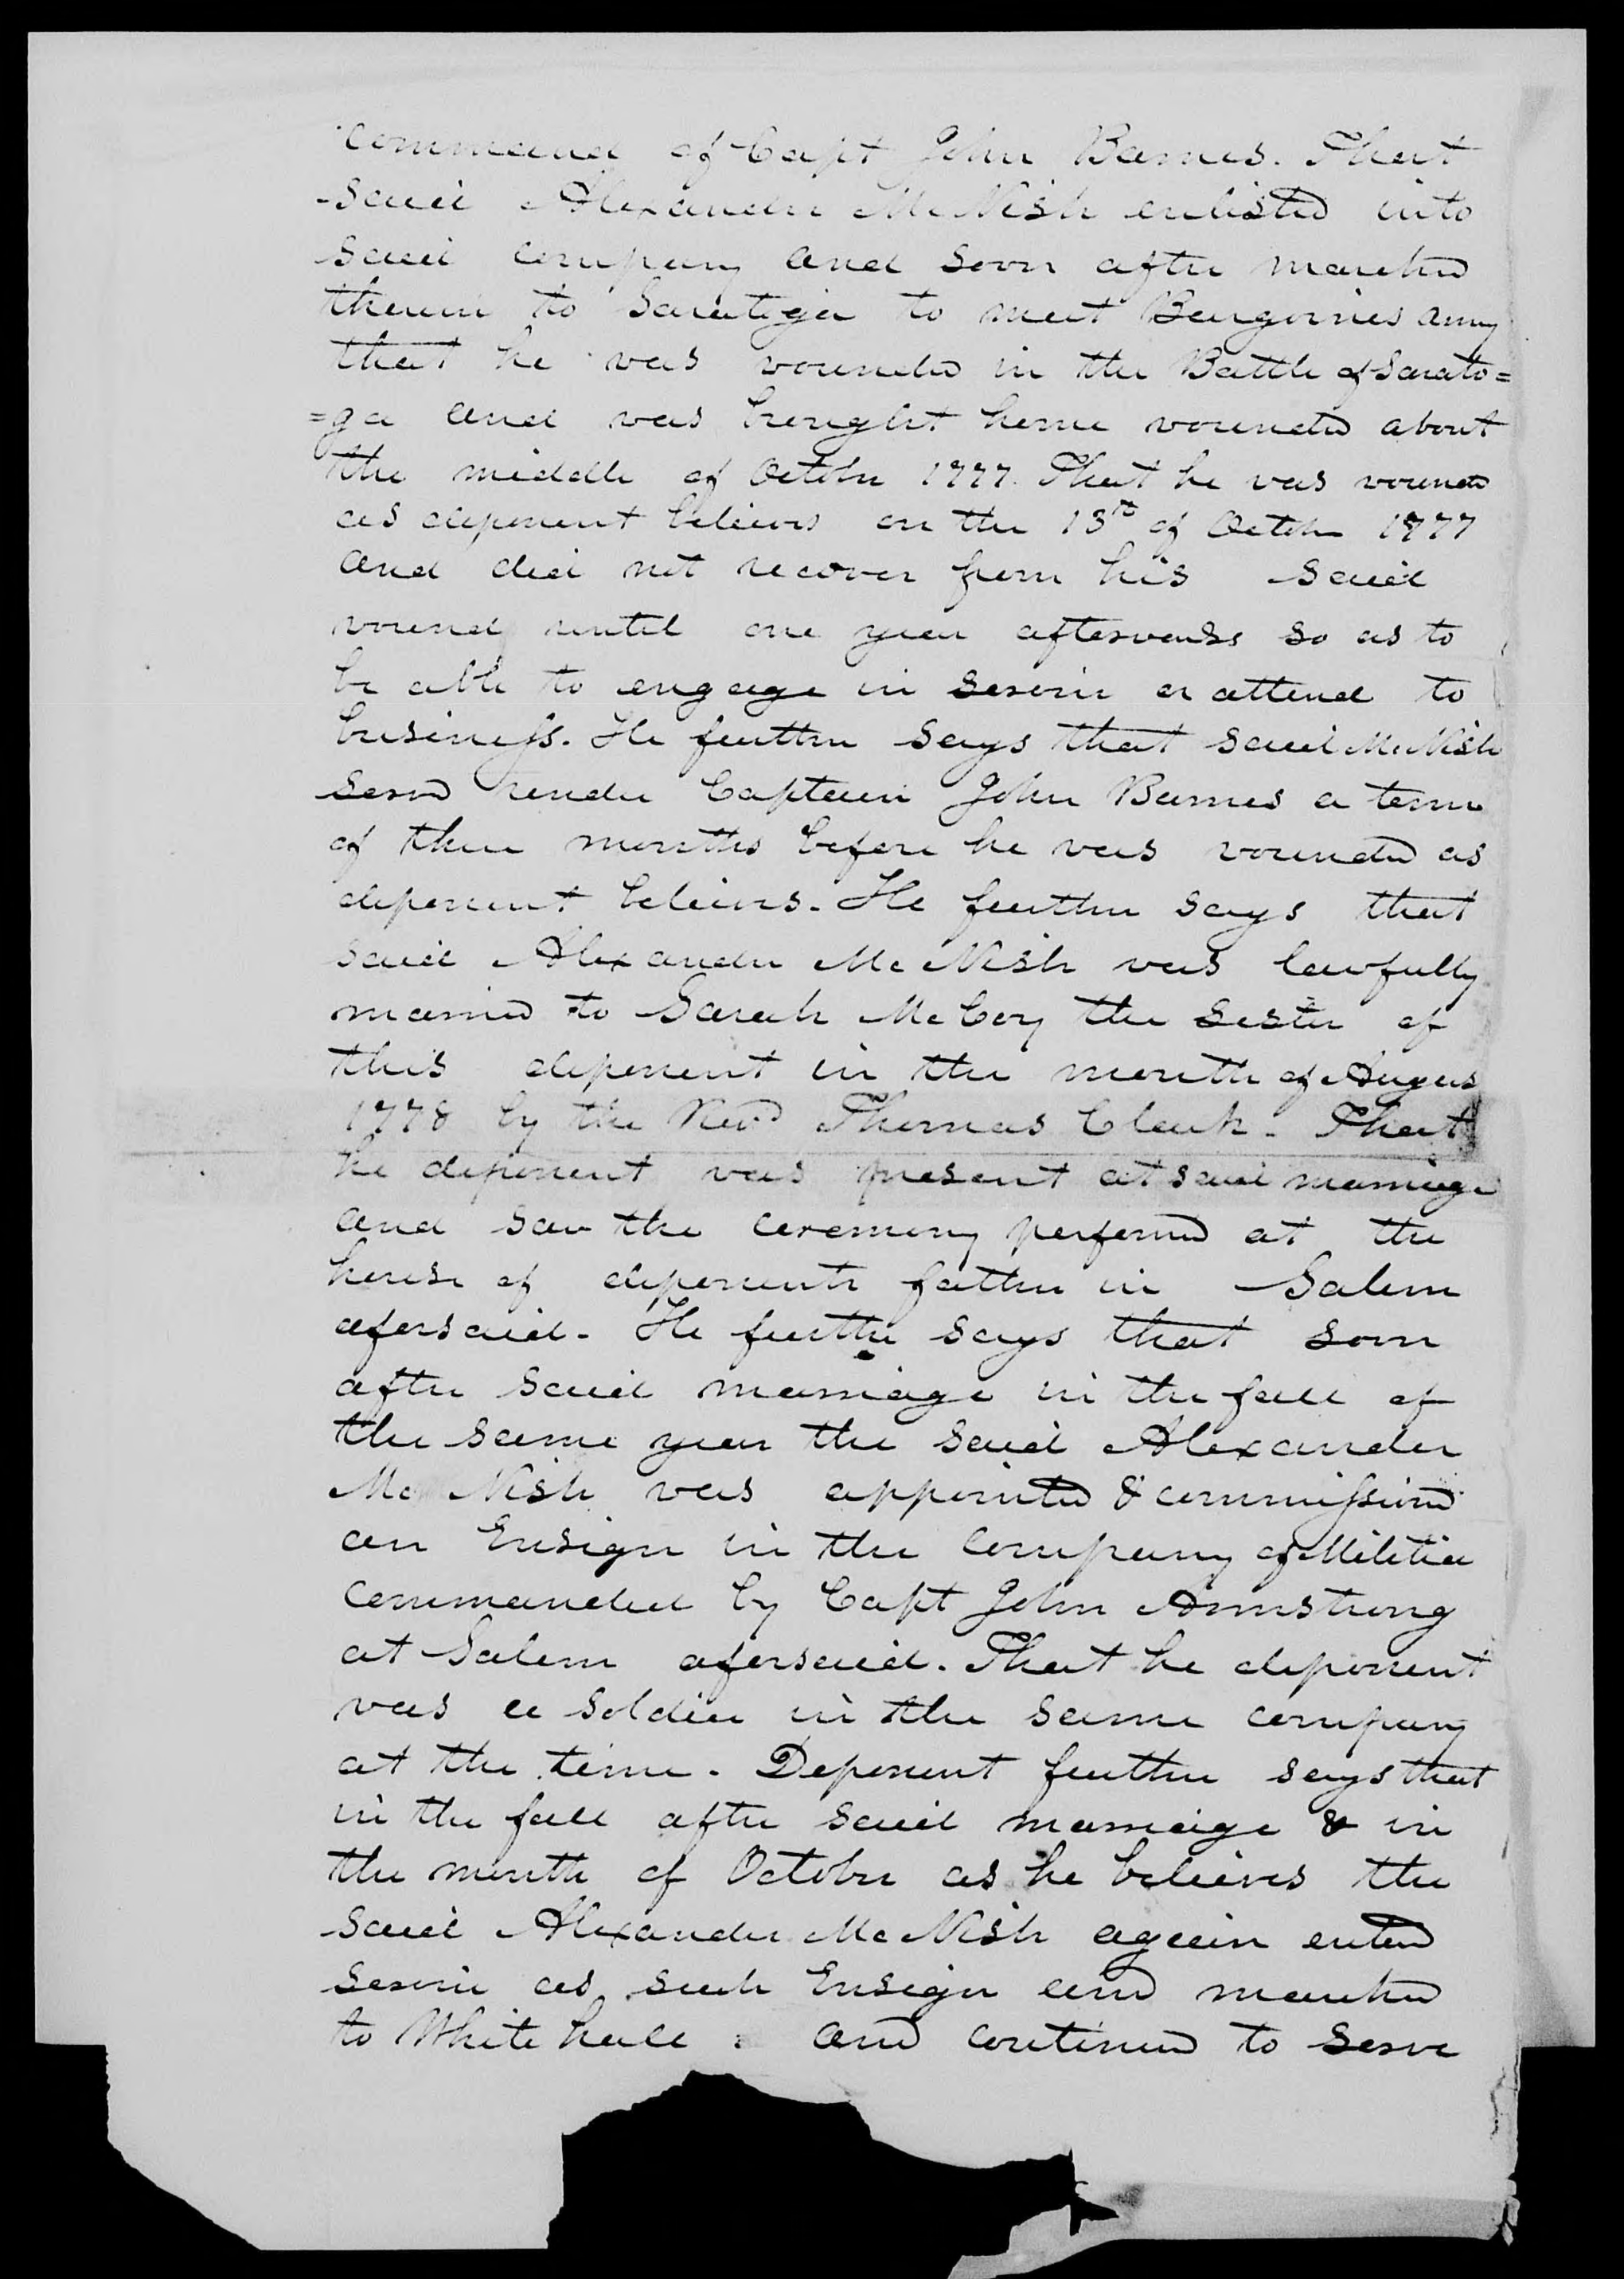command of Capt. John Bames. That said Alexander McNish enlisted into said company and soon after marched therein to Saratoga to meet Burgoyne's army . That he was wounded in the Battle of Saratoga and was brought home wounded about the middle of October 1777. That he as wounded as deponent believes on the 13th of October 1777 and did not recover from his said wound until one year afterwards so as to be able to engage in service or attend to his business. He further says that said McNish served under Captain John Bames a term of three months before he was wounded as deponent believes. He further says that said Alexander McNish was lawfully married to Sarah McCoy the sister of this deponent in the month of August 1778 by the Rev's Thomas Clerk. That he deponent was present at said marriage and saw the ceremony performed at the house of deponent's father in Salem aforesaid. He further says that soon after said marriage in the fall of the said year the said Alexander McNish was appointed and commissioned an Ensign in the company of militia commanded by Capt. John Armstrong at Salem aforesaid. That he deponent was a soldier in the same company at the time. Deponent further says that in the fall after said marriage and in the month of October as he believes the said Alexander McNish again entered service as such Ensign and marched to Whitehall and continued to serve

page: 8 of 42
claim: widow's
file: W. 23,937 S. 28094, for Alexander Mc Nish, New York